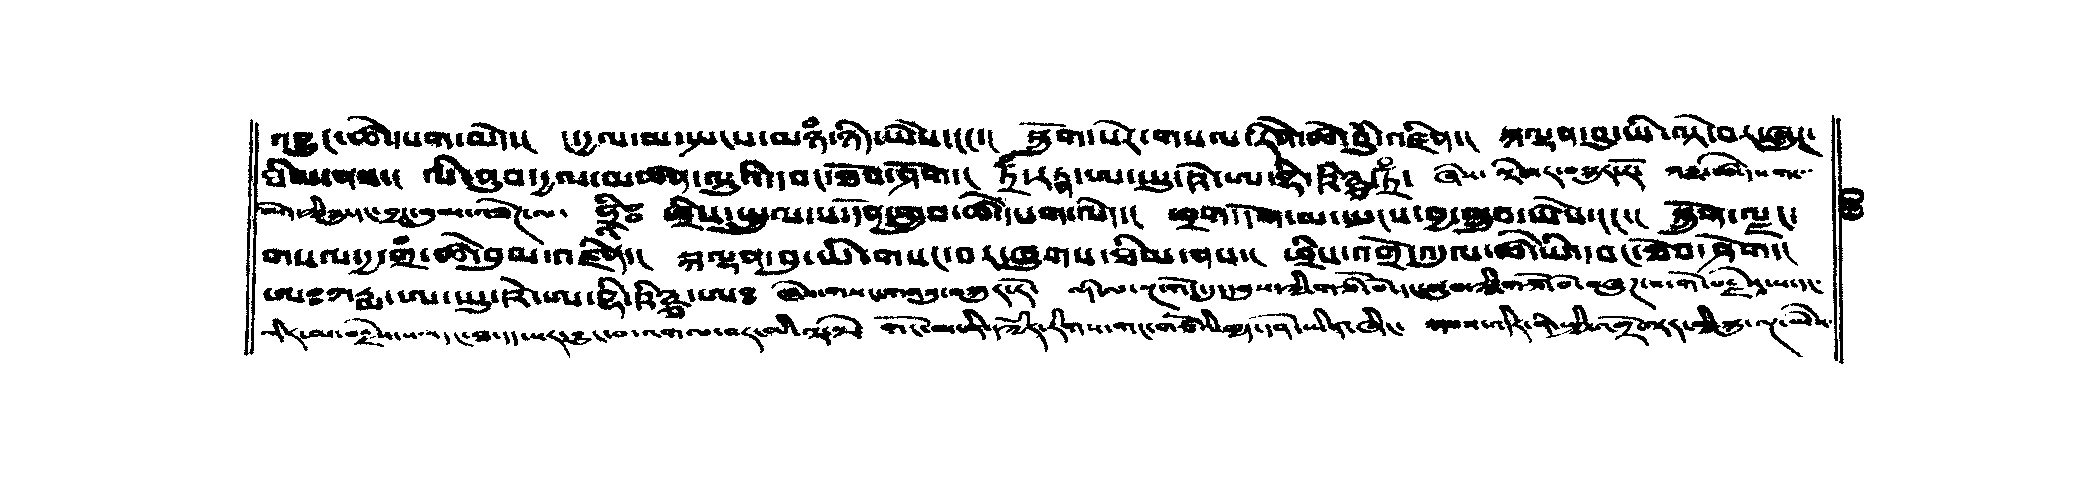འབྱུང་ཚེ་དཔག་མེད། ང་རྒྱལ་མ་སྤངས་མཉམ་ཉིད་ཡེ་ཤེས་ངང་། སྐུ་མདོག་སེར་གསལ་རིན་ཆེན་ཆེ་བུམ་འཛིན། སྐལ་ལྡན་བུ་ཡི་ལྟེ་བར་ཞུགས་
ཐིམ་ནས། མི་ནུབ་རྒྱལ་མཚན་ལྟ་བུའི་དབང་ཐོབ་ཤོག ཏྲྃ་རཏྣ་ཨ་ཡུ་རེ་ཨ་བྷི་རིཉྩ་ཏྲྃ། ཞེས་ལྟེ་བར་བསྐུར་རོ། ཀརྨ་ཚེ་དཔག་
མེད་ཀྱི་སྐུ་དང་བྱང་བུམ་འཐེགས་ལ། ཧྲཱིཿ ཕྲིན་ལས་སྤྲུལ་པ་དོན་གྲུབ་ཚེ་དཔག་མེད། ཕྲག་དོག་མ་སྤངས་བྱ་གྲུབ་ཡེ་ཤེས་ངང་། སྐུ་མདོག་ལྗང་
གསལ་རྒྱ་གྲམ་ཚེ་ལབུམ་འཛིན།སྐལ་ལྡན་བུ་ཡི་གསང་བར་ཞུགས་ཐིམ་ནས། ཕྲིན་ལས་འགྲོ་འདུལ་ཚེ་ཡི་དབང་ཐོབ་ཤོག 
ཨཿཀརྨ་ཨ་ཡུ་རེ་ཨ་བྷི་རིཉྩ་ཨཿ ཞེས་གསང་གནས་སུ་བསྐུར་རོ། འདི་ལ་སྔ་གོང་དུ་དབུས་ཀྱི་གཙོ་བོ་དང་ནུབ་ཀྱི་གཙོ་བོ་བཞུགས་པ་གོ་བརྗེས་པ་དང་
འདིར་མ་བརྗེས་སལ་དང་ཐ་དད་པར་བྱུང་བ་འགལ་བར་མི་ལྟ་སྟེ། གོང་མ་ནི་དཀྱིལ་འཁོར་རིགས་གང་གཙོའི་ཁྱད་དོན་ཡིན་ཞིང་། སྐབས་འདིར་ནི་སྤྱི་འགྲོ་ལྟར་གྱི་སྐུ་ལྔ་ཡེ་ཤེས་